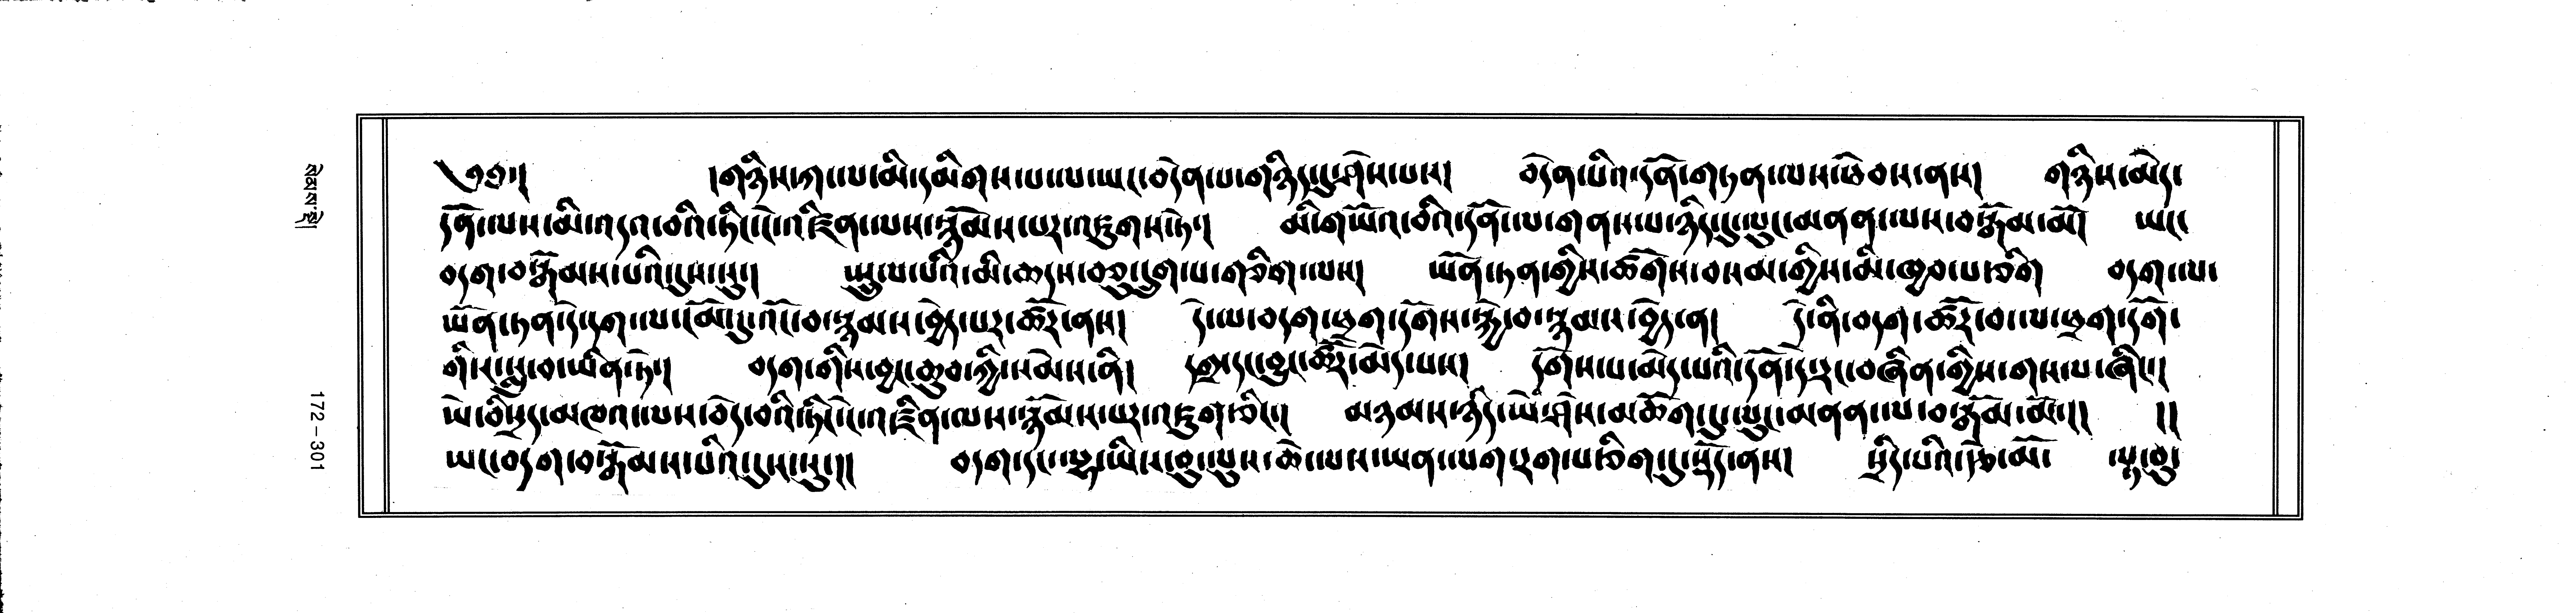གཉིས་ཀ་ལ་མི་དམིགས་པ་ལ་ཡང་བདེན་པ་གཉིས་དུ་ཤེས་པས། བདེན་པའི་དོན་གཏན་ལས་ཕེབས་ནས། གཉིས་མེད་
དོན་ལས་མི་འདའ་བའི་ཏིང་ངེ་འཛིན་ལས་སྙོམས་པར་འཇུགས་ཏེ། མི་གཡོའ་བའི་དོན་ལ་གནས་པ་ཉིད་དུ་ལུང་མནན་ལས་བསྒོམ་མོ། ཡང་
བདག་བསྒོམས་པའི་དུས་སུ། སྤྲུལ་པའི་མི་ཆདས་བཅུ་དྲུག་པ་གཅིག་ལས། ཡོན་ཏན་གྱིས་ཚོགས་བསམ་གྱིས་མི་ཁྱབ་པ་ཅིག བདག་ལ་
ཡོན་ཏན་དེ་དག་ལ་ངོམ་དུ་འོང་བ་སྙམས་བྱེད་པར་ཚོར་ནས། དེ་ལ་བདག་ཕྲག་དོགས་སྐྱེ་བ་སྙམས་བྱེད་ན། དེ་ནི་བདག་ཚོར་བ་ལ་ཕྲག་དོགས་
གིས་སླུ་བ་ཡིན་ཏེ། བདག་གིས་བྱང་ཆུབ་ཀྱི་སེམས་ནི། དགྲ་དང་བྱུང་ཚོར་མེད་པས། དོགས་པ་མེད་པའི་དོན་དེ་རང་བཞིན་གྱིས་གསལ་ཞིང་། 
ཡེ་བསྲིད་མཁའ་ལས་བདེ་བའི་ཏིང་ངེ་འཛིན་ལས་སྙོམས་པར་འཇུག་ཅིང་། མཉམས་ཉིད་ཡེ་ཤེས་མཆོག་དུ་ལུང་མནན་ལ་བསྒོམ་མོ། 
ཡང་བདག་བསྒོམས་པའི་དུས་སུ། བདག་དང་ལྷ་ཡིས་བུ་ལུས་ཆེ་ལས་ཡན་ལག་རགས་པ་ཅི་དུ་སྡོད་ནས། སྲིད་པའི་རྩེ་མོ་ལྟ་བུ་